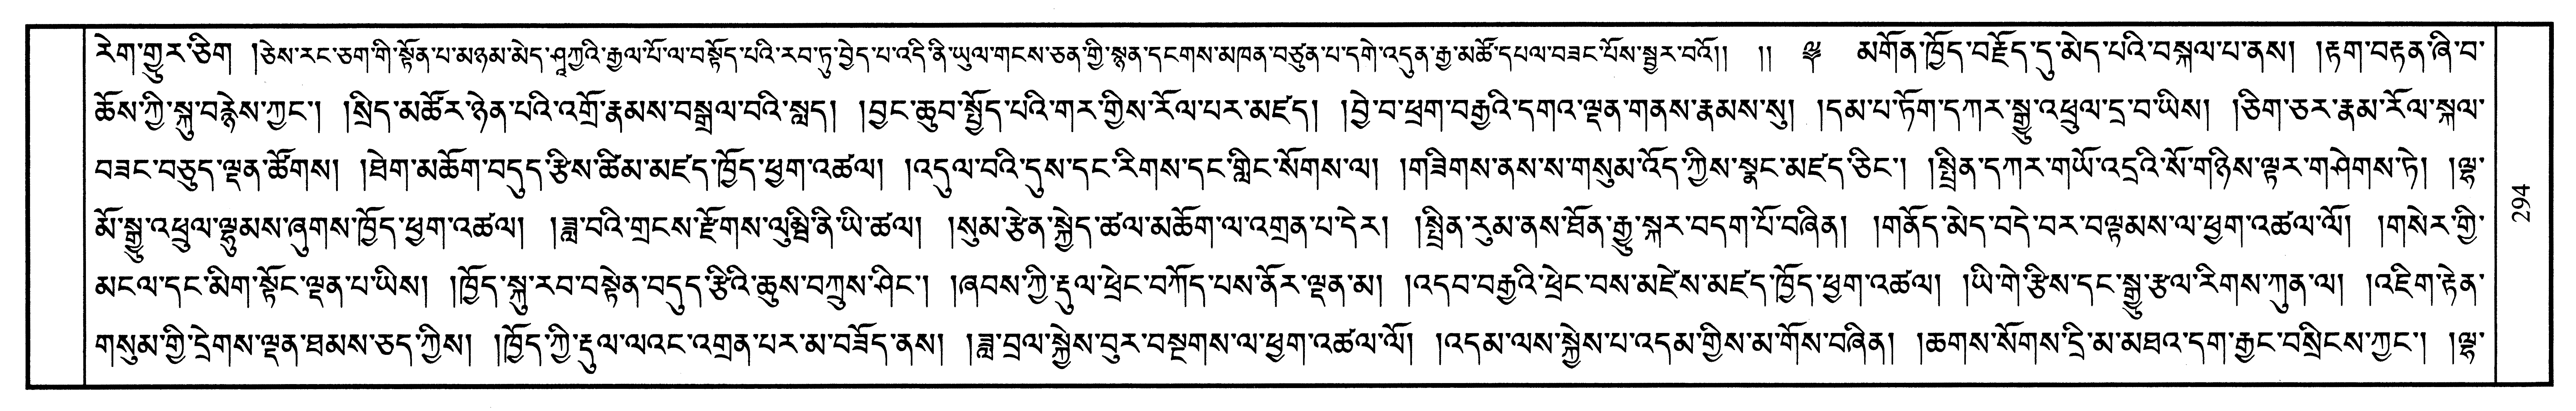རེག་གྱུར་ཅིག །ཅེས་རང་ཅག་གི་སྟོན་པ་མཉམ་མེད་ཤཱཀྱའི་རྒྱལ་པོ་ལ་བསྟོད་པའི་རབ་ཏུ་བྱེད་པ་འདི་ནི་ཡུལ་གངས་ཅན་གྱི་སྙན་དངགས་མཁན་བཙུན་པ་དགེ་འདུན་རྒྱ་མཚོ་དཔལ་བཟང་པོས་སྦྱར་བའོ།། །། ༈ མགོན་ཁྱོད་བརྗོད་དུ་མེད་པའི་བསྐལ་པ་ནས། །རྟག་བརྟན་ཞི་བ་
ཆོས་ཀྱི་སྐུ་བརྙེས་ཀྱང་། །སྲིད་མཚོར་ཉེན་པའི་འགྲོ་རྣམས་བསྒྲལ་བའི་སླད། །བྱང་ཆུབ་སྤྱོད་པའི་གར་གྱིས་རོལ་པར་མཛད། །བྱེ་བ་ཕྲག་བརྒྱའི་དགའ་ལྡན་གནས་རྣམས་སུ། །དམ་པ་ཏོག་དཀར་སྒྱུ་འཕྲུལ་དྲ་བ་ཡིས། །ཅིག་ཅར་རྣམ་རོལ་སྐལ་
བཟང་བཅུད་ལྡན་ཚོགས། །ཐེག་མཆོག་བདུད་རྩིས་ཚིམ་མཛད་ཁྱོད་ཕྱག་འཚལ། །འདུལ་བའི་དུས་དང་རིགས་དང་གླིང་སོགས་ལ། །གཟིགས་ནས་ས་གསུམ་འོད་ཀྱིས་སྣང་མཛད་ཅིང་། །སྤྲིན་དཀར་གཡོ་འདྲའི་སོ་གཉིས་ལྟར་གཤེགས་ཏེ། །ལྷ་
མོ་སྒྱུ་འཕྲུལ་ལྷུམས་ཞུགས་ཁྱོད་ཕྱག་འཚལ། །ཟླ་བའི་གྲངས་རྫོགས་ལུམྦི་ནི་ཡི་ཚལ། །སུམ་རྩེན་སྐྱེད་ཚལ་མཆོག་ལ་འགྲན་པ་དེར། །སྤྲིན་རུམ་ནས་ཐོན་རྒྱུ་སྐར་བདག་པོ་བཞིན། །གནོད་མེད་བདེ་བར་བལྟམས་ལ་ཕྱག་འཚལ་ལོ། །གསེར་གྱི་
མངལ་དང་མིག་སྟོང་ལྡན་པ་ཡིས། །ཁྱོད་སྐུ་རབ་བསྟེན་བདུད་རྩིའི་ཆུས་བཀྲུས་ཤིང་། །ཞབས་ཀྱི་རྡུལ་ཕྲེང་བཀོད་པས་ནོར་ལྡན་མ། །འདབ་བརྒྱའི་ཕྲེང་བས་མཛེས་མཛད་ཁྱོད་ཕྱག་འཚལ། །ཡི་གེ་རྩིས་དང་སྒྱུ་རྩལ་རིགས་ཀུན་ལ། །འཇིག་རྟེན་
གསུམ་གྱི་དྲེགས་ལྡན་ཐམས་ཅད་ཀྱིས། །ཁྱོད་ཀྱི་རྡུལ་ལའང་འགྲན་པར་མ་བཟོད་ནས། །ཟླ་བྲལ་སྐྱེས་བུར་བསྔགས་ལ་ཕྱག་འཚལ་ལོ། །འདམ་ལས་སྐྱེས་པ་འདམ་གྱིས་མ་གོས་བཞིན། །ཆགས་སོགས་དྲི་མ་མཐའ་དག་རྒྱང་བསྲིངས་ཀྱང་། །ལྷ་